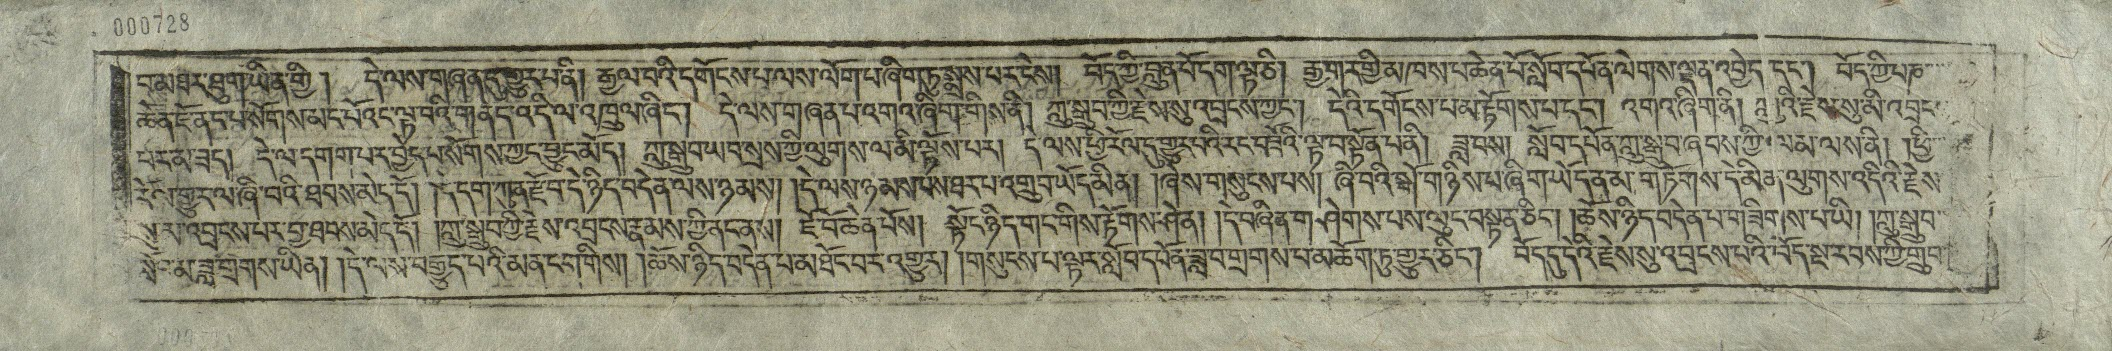བ་མཐར་ཐུག་ཡིན་གྱི། དེ་ལས་གཞན་དུ་གྱུར་པ་ནི། རྒྱལ་བའི་དགོངས་པ་ལས་ལོག་པ་ཞིག་ཏུ་སྨྲས་པར་ངེས། བོད་ཀྱི་བླུན་པོ་དག་ལྟ་ཅི། རྒྱ་གར་གྱི་མཁས་པ་ཆེན་པོ་སློབ་དཔོན་ལེགས་ལྡན་འབྱེད་དང་། བོད་ཀྱི་པཎ་
ཆེན་ཇོ་ནང་པ་སོགས་མང་པོའང་ལྟ་བའི་གནད་འདི་ལ་འཁྲུལ་ཞིང་། དེ་ལས་གཞན་པ་འགའ་ཞིག་གིས་ནི། ཀླུ་སྒྲུབ་ཀྱི་རྗེས་སུ་འབྲངས་ཀྱང་། དེའི་དགོངས་པ་མ་རྟོགས་པ་དང་། འགའ་ཞིག་ནི། ཀླུའི་རྗེས་སུ་མི་འབྲངས་
པར་མ་ཟད། དེ་ལ་དགག་པར་བྱེད་པ་སོགས་ཀྱང་བྱུང་མོད། ཀླུ་སྒྲུབ་ཡབ་སྲས་ཀྱི་ལུགས་ལ་མི་ལྟོས་པར། དེ་ལས་ཕྱི་རོལ་དུ་གྱུར་པའི་རང་བཟོའི་ལྟ་བ་སྟོན་པ་ནི། ཟླ་བས། སློབ་དཔོན་ཀླུ་སྒྲུབ་ཞབས་ཀྱི་ལམ་ལས་ནི། །ཕྱི་
རོལ་གྱུར་ལ་ཞི་བའི་ཐབས་མེད་དོ། །དེ་དག་ཀུན་རྫོབ་དེ་ཉིད་བདེན་ལས་ཉམས། །དེ་ལས་ཉམས་པས་ཐར་པ་འགྲུབ་ཡོད་མིན། །ཞེས་གསུངས་པས། ཞི་བའི་སྒོ་གཉིས་པ་ཞིག་ཡོད་ན་མ་གཏོགས་དེ་མིན་ལུགས་འདིའི་རྗེས་
སུ་མ་འབྲངས་པར་བྱ་ཐབས་མེད་དོ། །ཀླུ་སྒྲུབ་ཀྱི་རྗེས་འབྲངས་རྣམས་ཀྱི་ནང་ནས། ཇོ་བོ་ཆེན་པོས། སྟོང་ཉིད་གང་གིས་རྟོགས་ཤེ་ན། །དེ་བཞིན་གཤེགས་པས་ལུང་བསྟན་ཅིང་། །ཆོས་ཉིད་བདེན་པ་གཟིགས་པ་ཡི། །ཀླུ་སྒྲུབ་
སློབ་མ་ཟླ་གྲགས་ཡིན། །དེ་ལས་བརྒྱུད་པའི་མན་ངག་གིས། །ཆོས་ཉིད་བདེན་པ་མཐོང་བར་འགྱུར། །གསུངས་པ་ལྟར་སློབ་དཔོན་ཟླ་བ་གྲགས་པ་མཆོག་ཏུ་གྱུར་ཅིང་། བོད་དུ་དེའི་རྗེས་སུ་འབྲངས་པའི་བོད་སྔ་རབས་ཀྱི་གྲུབ་